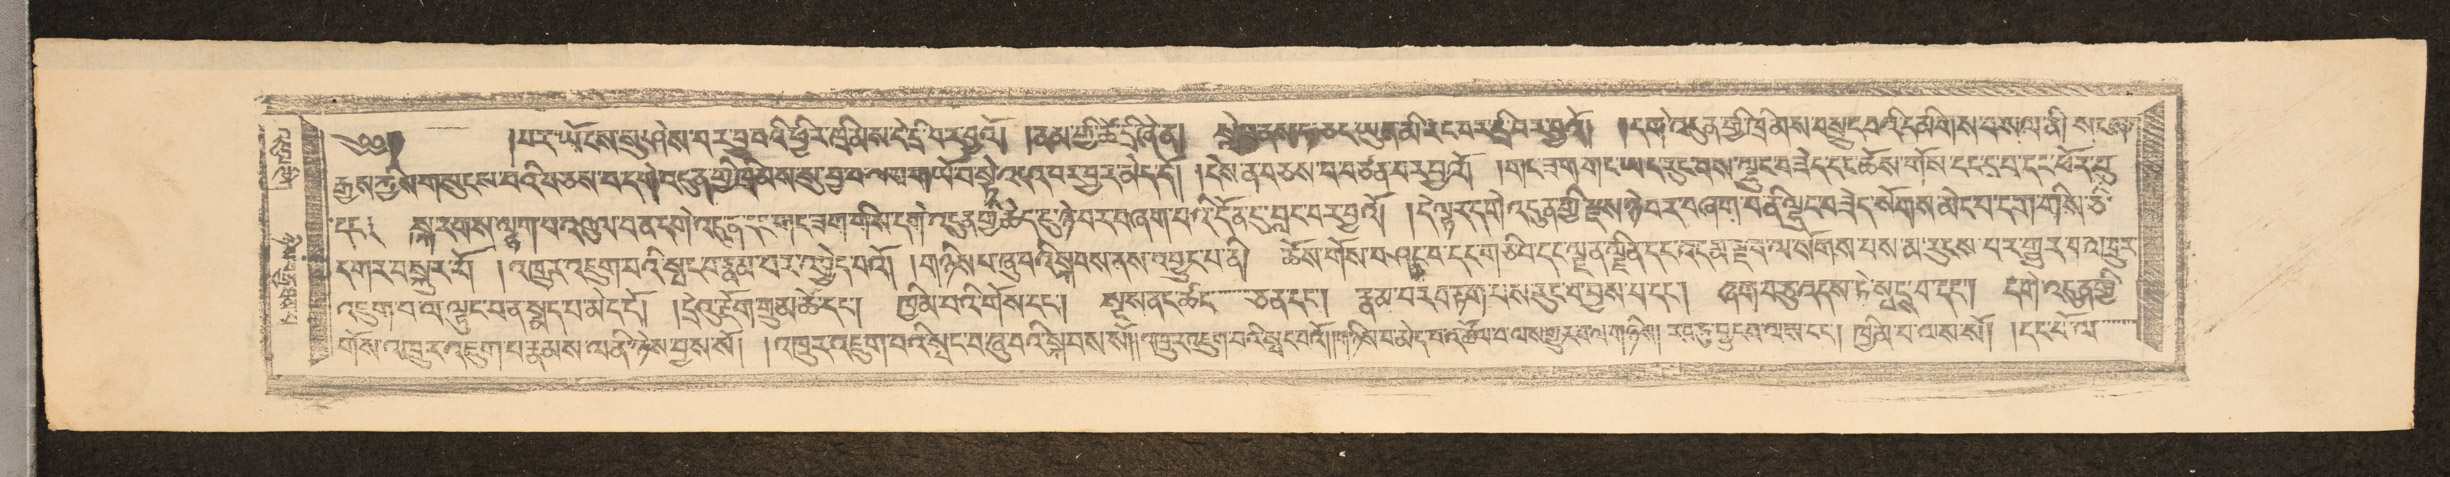༄༅། །པར་ཡོངས་སུ་ཤེས་པར་བྱ་བའི་ཕྱིར་ཁྲིམས་དེ་དྲི་བར་བྱའོ། །ནམ་གྱི་ཚེ་དྲི་ཞེ་ན། སླེབ་ནས་ཧ་ཅང་ཡུན་མི་རིང་བར་དྲི་བར་བྱའོ། །དགེ་འདུན་གྱི་ཀྲྷིམས་བསྲུང་བའི་དམིགས་བསལ་ནི། སངས་
རྒྱས་ཀྱིས་གསུངས་པའི་བཅས་པ་དགེ་འདུན་གྱི་ཁྲིམས་སུ་བྱ་བ་ལས་གཡོ་བ་སྟེ་འདའ་བར་བྱར་མེད་དོ། །དེས་ན་བཅས་པ་བཙན་པར་བྱའོ། །གང་ཟག་གང་ཡང་རུང་བས་ལྷུང་བཟེད་དང་ཆོས་གོས་དང་དྲ་བ་དང་ཕོར་བུ་
དང༑ སྐ་རགས་ལྷག་པ་འབུལ་བ་ན་དགེ་འདུན་དང་གང་ཟག་གིས་དགེ་འདུན་གྱི་ཆེད་དུ་ཉེ་བར་བཞག་པའི་དོན་དུ་བླང་བར་བྱའོ། །དེ་ལྟར་དགེ་འདུན་གྱི་རྫས་ཉེ་བར་བཞག་པ་ནི་ལྷུང་བཟེད་སོགས་མེད་པ་དག་གིས་ཅི་
དགར་བསྐུར་རོ། །འཁྲུར་འཇུག་པའི་སྤང་བ་རྣམ་པར་འབྱེད་པའོ། །གཉིས་པ་ཞུ་བའི་སྐབས་ནས་འབྱུང་བ་ནི། ཆོས་གོས་བཤད་བ་དང་གཅིབ་དང་ལྗན་ལྗིན་དང་འདམ་རྫབ་ལ་སོགས་པས་མ་རུངས་པར་གྱུར་པ་འཁྲུར་
འཇུག་པ་ལ་ལྟུང་བ་ན་སྨད་པ་མེད་དོ། །དྲེའུ་རྡོག་གྲུམ་ཚེ་དང་། ཁྱིམ་པའི་གོས་དང་། སྔས་ནང་ཚད་ཅན་དང་། རྣམ་པར་བརྟག་པས་རུང་བ་བྱས་པ་དང་། ཞག་བཅུ་འདས་ཏེ་སྤངས་པ་དང་། དགེ་འདུན་གྱི་
གོས་འཁྲུར་འཇུག་པ་རྣམས་ལ་ནི་ཉེས་བྱས་སོ། །འཁྲུར་འཇུག་པའི་སྤང་བ་ཞུ་བའི་སྐབས་སོ། །འཁྲུར་འཇུག་པའི་སྤང་བའོ། །གཉིས་པ་མེད་པ་འཚོལ་བ་ལས་གྱུར་པ་ལ་གཉིས། རབ་ཏུ་བྱུང་བ་ལས་དང་། ཁྱིམ་པ་ལས་སོ། །དང་པོ་ལ་